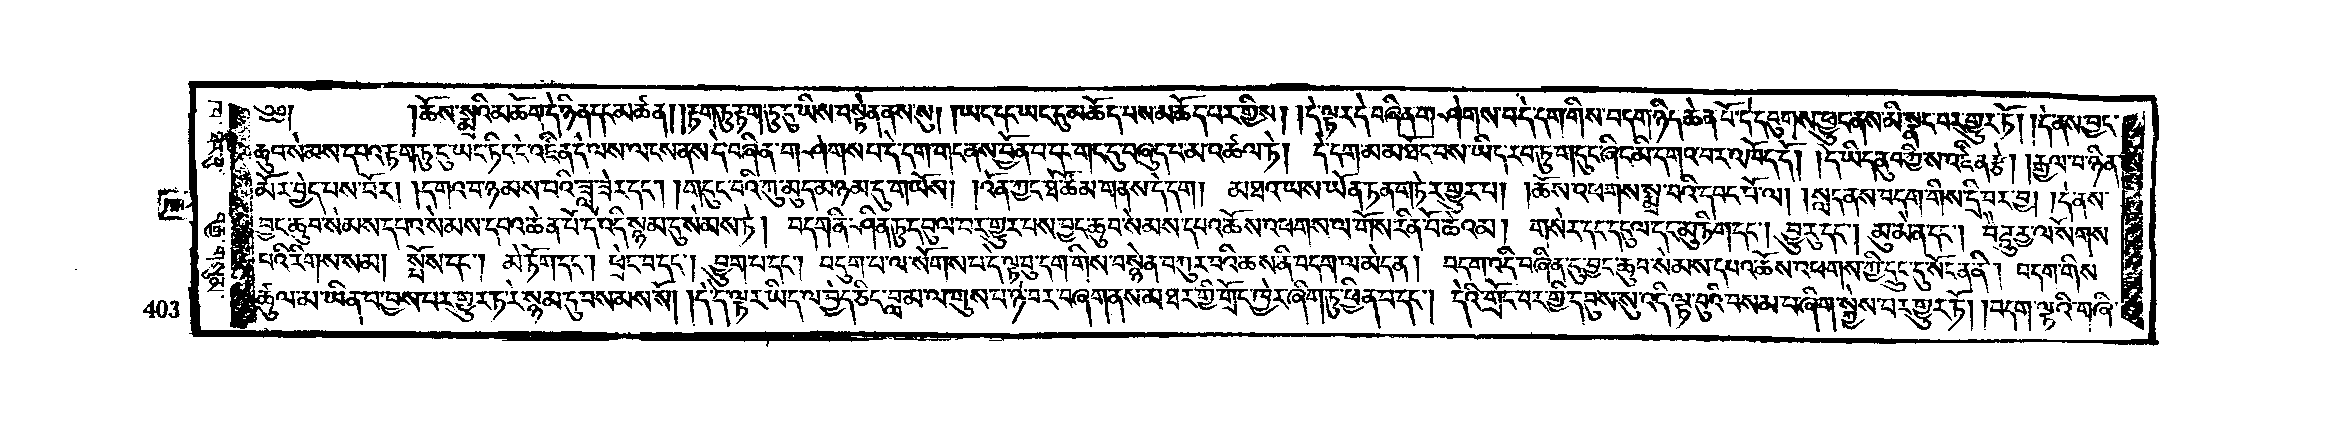༄༅། །ཆོས་སྨྲའི་མཆོག་དེ་ཉིན་དང་མཚན། །རྟག་ཏུ་རྟག་ཏུ་དུ་ཡིས་བསྟེན་ནས་སུ། །ཡང་དང་ཡང་དུ་མཆོད་པས་མཆོད་པར་གྱིས། །དེ་ལྟར་དེ་བཞིན་གཤགས་པ་དེ་དག་གིས་བདག་ཉིད་ཆེན་པོ་དེ་དབུགས་ཕྱུང་ནས་མི་སྣང་བར་གྱུར་ཏོ། །དེ་ནས་བྱང་
ཆུབ་སེམས་དཔའ་རྟག་ཏུ་དུ་ཡང་ཏིང་ངེ་འཛིན་དེ་ལས་ལངས་ནས་དེ་བཞིན་གཤེགས་པ་དེ་དག་གང་ནས་བྱོན་པ་དང་གང་དུ་བཞུད་པ་མ་འཚལ་ཏེ། དེ་དག་མ་མཐོང་བས་ཡིད་རབ་ཏུ་གདུང་ཞིང་མི་དགའ་བར་འཁོད་དོ། །དེ་ཡིད་ནུབ་ཀྱི་ས་འཛིན་རྩེ། །རྒྱལ་བ་ཉིན་
མོར་བྱེད་པས་པོར། །དགའ་བ་ཉམས་པའི་ཟླ་ཟེར་དང་། །གདུང་བའི་ཀུ་མུད་མཉམ་དུ་གཡོས། །འོན་ཀྱང་ཐེ་ཚོམ་གནས་དེ་དག། མཐའ་ཡས་ཡོན་ཏན་གཏེར་གྱུར་པ། །ཆོས་འཕགས་སྨྲ་བའི་དབང་པོ་ལ། །སླད་ནས་བདག་གིས་དྲི་བར་བྱ། །དེ་ནས་
བྱང་ཆུབ་སེམས་དཔའ་སེམས་དཔའ་ཆེན་པོ་དེ་འདི་སྙམ་དུ་སེམས་ཏེ། བདག་ནི་ཤིན་ཏུ་དབུལ་བར་གྱུར་པས་བྱང་ཆུབ་སེམས་དཔའ་ཆོས་འཕགས་ལ་གོས་རིན་པོ་ཆེའམ། གསེར་དང་དངུལ་དང་མུ་ཏིག་དང་། བྱུ་རུ་དང་། མུ་མེན་དང་། བཻཌཱུརྱ་ལ་སོགས་
པའི་རིགས་སམ། སྤོས་དང་། མེ་ཏོག་དང་། ཕྲེང་བ་དང་། བྱུག་པ་དང་། བདུག་པ་ལ་སོགས་པ་དེ་ལྟ་བུ་དག་གིས་བསྙེན་བཀུར་བའི་ཆས་ནི་བདག་ལ་མེད་ན། བདག་འདི་བཞིན་དུ་བྱང་ཆུབ་སེམས་དཔའ་ཆོས་འཕགས་ཀྱི་དྲུང་དུ་སོང་ན་ནི། བདག་གིས་
ཚུལ་མ་ཡིན་པ་བྱས་པར་གྱུར་ཏ་རེ་སྙམ་དུ་བསམས་སོ། །དེ་དེ་ལྟར་ཡིད་ལ་བྱེད་ཅིང་བླ་མ་ལ་གུས་པ་ཉེ་བར་བཞག་ནས་མཐར་གྱི་གྲོང་ཁྱེར་ཞིག་ཏུ་ཕྱིན་པ་དང་། དེའི་གྲོང་བར་གྱི་དབུས་སུ་འདི་ལྟ་བུའི་བསམ་པ་ཞིག་སྐྱེས་པར་གྱུར་ཏོ། །བདག་ལྟའི་གཞི་